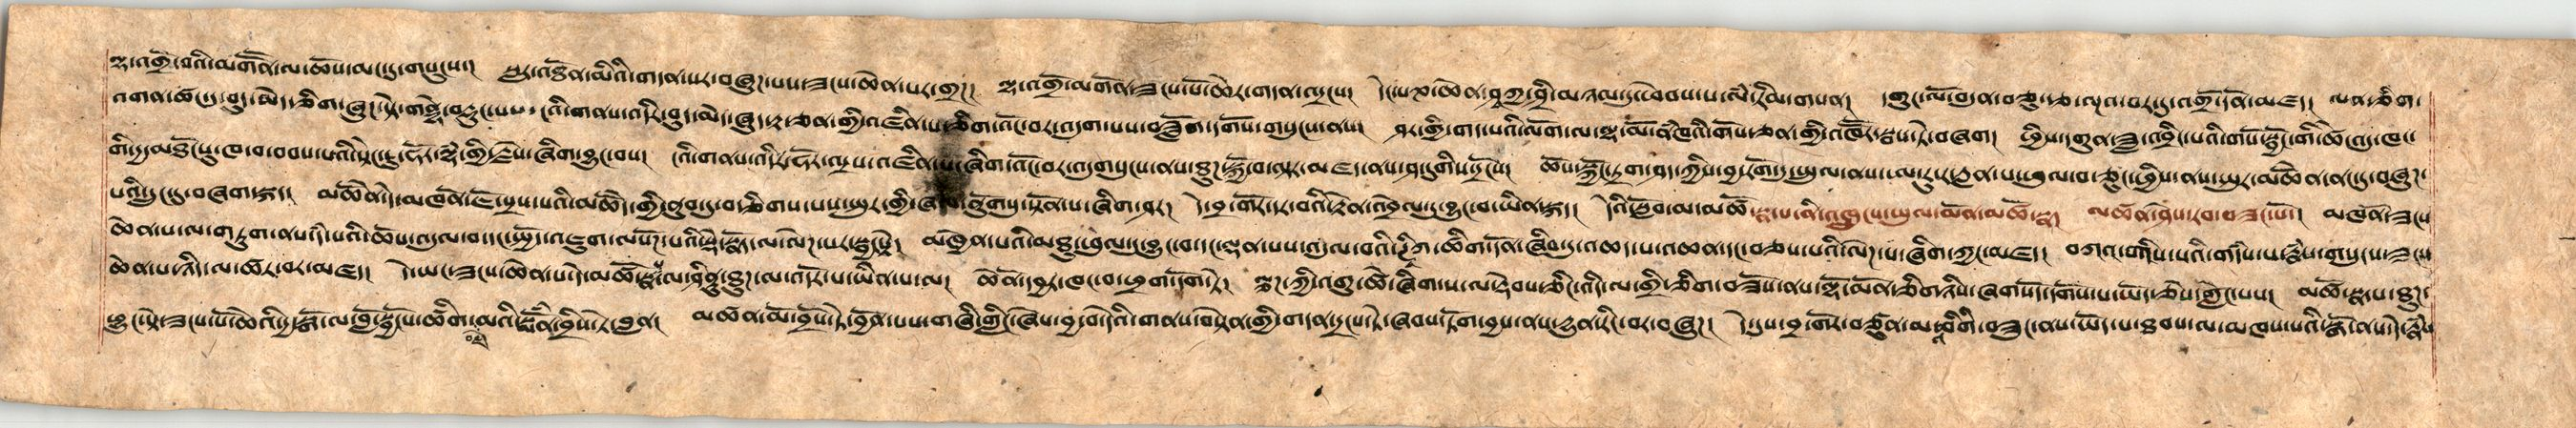ལྷ་འགྲོ་བའི་མགཽན་ལ་ཆོས་མང་དུ་གསུངས་། སླར་འཐོན་མིའི་གདན་སར་བཞུཌ་པས་ཟངས་ཆེན་པར་གྲཌ། ལྷ་འགྲོ་མགོན་ཟངས་པོ་ཆེར་གདན་འདྲངས། དེང་པཎ་ཆེན་ཤཱཀྱ་ཤྲི་མཉལ་དུ་ཕེབས་པ་ལཾ་རིམ་གསན། དགུང་ལོ་བདུན་བཅུརྩ་ལྔའ་བར་དུ་འགྲོ་དོན་མཛད། ལན་ཅིག་
འགན་ཚང་དུ་བུད་མེད་གཅིག་ཞུཌ་སྟེ་གནྡྷེ་བརྡུང་པས་ངའི་གནས་འདིར་བུད་མེད་ཞུད་རྟ་ཅན་གྱི་འཛིན་པ་ཅིག་འོང་བར་བདག་འདུག་པས་བཟློག་དགོས་གསུངས་ནས། ཤར་གྱི་གད་པའི་ལོག་ལ་ལྷ་མོ་ནཾཁའི་གོས་ཅན་གྱི་འཁཽར་སྦས་ཏེ་བཞག། ཕྱིས་དགུན་ཟླ་འབྲིང་པའི་གསོ་སྦྱོང་གི་ཚེ་འདུ་ཁང་
གི་དྱ་མཐོངསུ་ཁ་བ་བབས་པའི་སྟེང་ཏུ་ཧོར་ལྷཾ་གྱི་རྗེས་ཞིག་བྱུང་བས། ངའི་གནས་འདིར་ཧོར་ལྲས་འཛིན་པ་ཞིག་འོང་བར་འདུགསུངས་ནས་ཐུཌ་སྐྱོ་བ་ལྟར་མཛད་ནས་ཤ་དུགིས་དྲོངས། ཆོས་སྐྱོང་དྲག་ཤད་ཀྱིས་བྱ་རོག་དུ་སྤྲུལ་ནས་ཨ་རུ་ར་རླན་པ་ཕུལ་བ་ཅུང་ཕྱིས་ནས་སྤུར་མཆོནེ་ནང་དུ་བཞུཌ་
པའི་དྲུང་དུ་བཞག་སྐད། མཆོེན་དེ་མཁནོ་ཇོ་སྲས་པའི་མཆོདེ་གྱི་ནུབ་དུ་བརྩིགས་པས་སྤུར་གྱི་ཁ་དོག་ནོུགསུ་སྟོན་པ་ཞིག་ཤར། དེ་བྲ་གོར་དར་བའི་རྟེན་འབྲེལ་དུ་བྱུང་བ་ཡིན་སྐད། དེའི་སློབ་མ་མཚོ་སྣ་པ་ནི་འཁྲུངས་ཡུལ་འཁྲུངས་ཡུལ་མོན་མཚོ་སྣ། མཚན་ཤེས་རབ་བཟང་པོ། མཁནོ་ཟངས་
ཆེན་པ་ལ་གཏུག་ནས་དཾ་པའི་ཆོས་འདུལ་བ་དང་སྤྱོད་འཇུག་ལསོཌ་པའི་སྡེ་སྣོད་ལ་ལེཌ་པར་སྦྱངསྟེ། མཁྱེན་པའི་མཐུ་ཕུལ་དུ་བྱུང་བ་དང་ལྡན་པས་འདུལ་བའི་ཊཱིཀ་ཚིག་དོན་ཞིབ་དུ་འཆད་པ་མཆན་དང་བཅས་པའི་ལེཌ་པ་ཞིག་ཀྱང་མཛད། བཀའ་གདཾས་ཀྱི་གདཾས་པ་རྣཾས་གསུངས་ཟངས་
ཆེན་པ་ཉིད་ལ་ཚར་བར་མཛད། དེ་ཡང་ཟངས་ཆེན་པ་མཚོ་སྣ་ལ་ཤིནྟུ་ཐུཌ་ལ་འདོར་པ་ཡིན་པ་ལ། ཆེནོ་དབྱར་ཁང་བ་ཕྲག་དོག་ཏེ། ལྕཌ་ཀྱི་མགུ་ཚེ་ཞིག་ས་ལ་རྡེབས་ཅིང་འདི་ལ་གྲི་ཅིག་བཟོས་ནས་ལྷོ་མོན་ཅིགཉིས་ཞགསོད་དགོས་ཅེས་གླེང་པས། མཚོ་སྣ་པ་ཐུཌ་
ཕྱུང་སྟེ་ཟངས་པོ་ཆེའི་དྱ་སྒོ་ལ་བློ་སྦྱོངས་ཚིག་བརྗོད་མའི་སྨོནཾ་བྲིས་ཏེ་བླན། མཚན་མོ་བྲོས་ཏེ་བྱོན་པས་གཞི་གླིང་ཞེས་བྱ་བ་དེའི་གནས་བསྟེན་གྱི་གདན་དྲངས་ཏེ་ཞབས་ཏོག་བྱས་ནས་དྱུན་རིང་བར་བཞུཌ། དེ་དུས་བྲ་གོར་བཙུན་མའི་འབིགི་བཟུང་ནས་ཡོད་པ་ཐབས་ལ་མཁས་པའི་སྒོ་ནས་དེ་རྣཾས